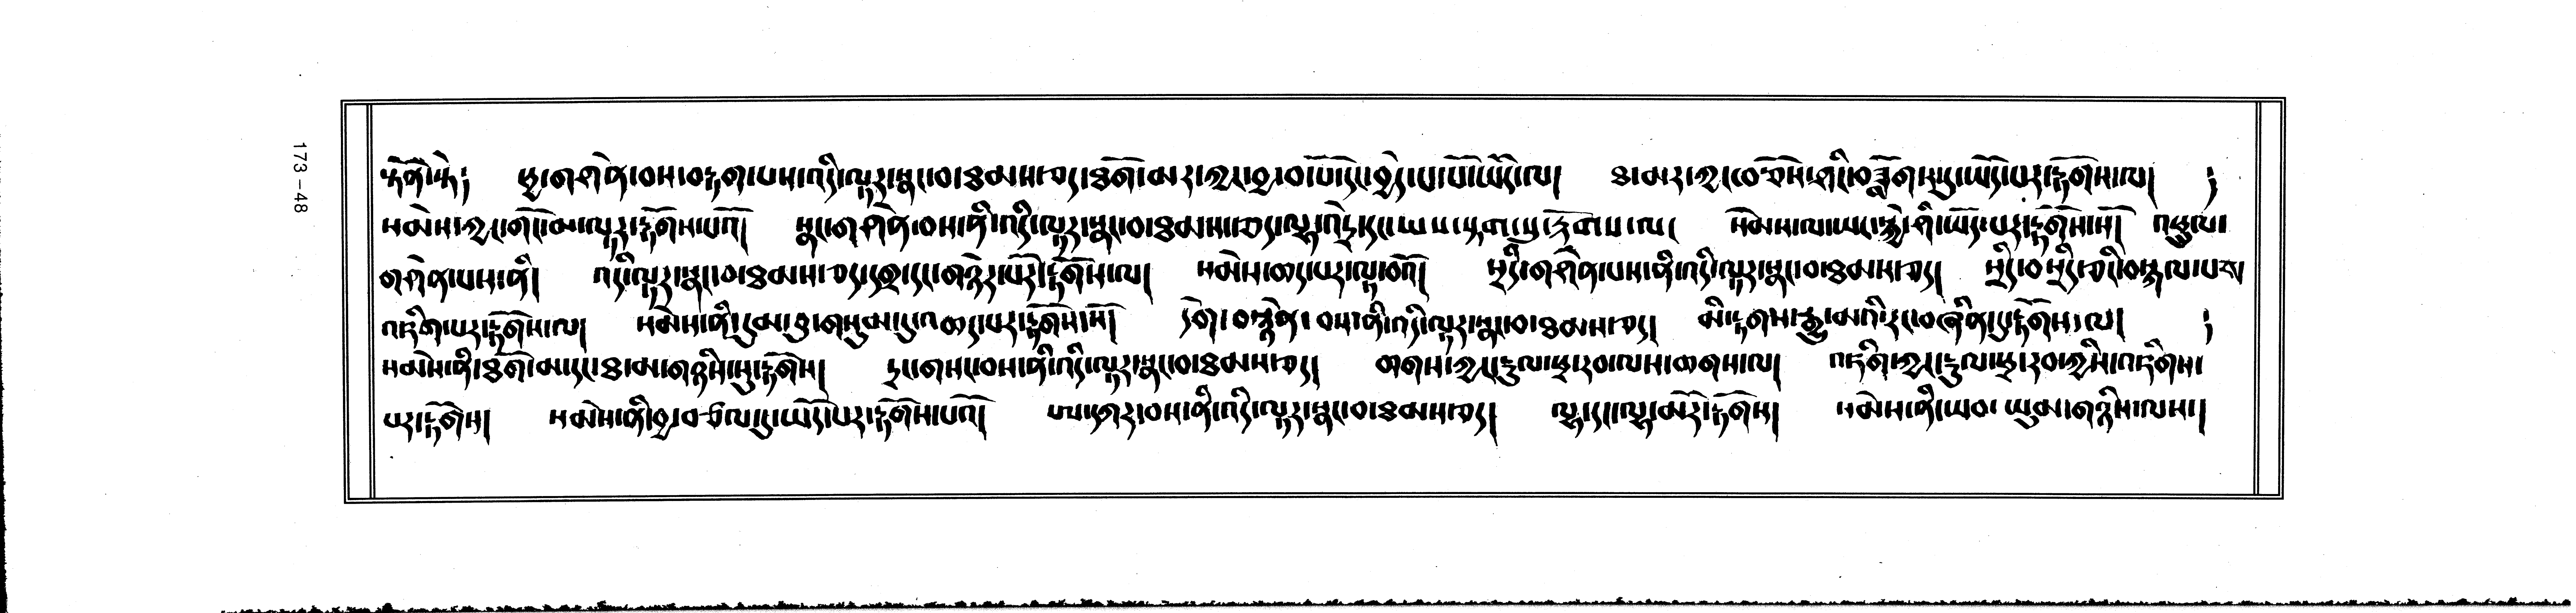སྟོན་ཏེ། ཕྱྭ་གཤེན་པས་བརྟག་པས་འདི་ལྟར་སྣང་བ་ཐམས་ཅད་ཐོག་མར་ཀྱང་བྱ་བ་པོ་དང་། བྱེད་པ་པོ་ཡོད་ལ། ཐ་མར་ཀྱང་བཅོས་ཤིང་བཟློག་ཏུ་ཡོད་པར་རྟོགས་ལ། 
སེམས་ཀྱང་གོང་མ་ལྟར་རྟོགས་པའོ། །སྣང་གཤེན་པས་ནི་འདི་ལྟར་སྣང་བ་ཐམས་ཅད་ལྷ་འདྲེ་དང་ཡས་སྟགས་སུ་རྟོགས་ལ། སེམས་ལ་ཡང་སྐྱེ་ཤི་ཡོད་པར་རྟོགས་སོ། །འཕྲུལ་
གཤེན་པས་ནི། འདི་ལྟར་སྣང་བ་ཐམས་ཅད་དགྲ་དང་གཉེན་པོར་རྟོགས་ལ། སེམས་ཆད་པར་ལྟ་བའོ། །སྲིད་གཤེན་པས་ནི་འདི་ལྟར་སྣང་བ་ཐམས་ཅད། སྲིད་བསྲིད་ཅིང་བསྐལ་པས་
འཇིག་པར་རྟོགས་ལ། སེམས་ནི་དུམ་བུ་གསུམ་དུ་འཆད་པར་རྟོགས་སོ། །དགེ་བསྙེན་པས་ནི་འདི་ལྟར་སྣང་བ་ཐམས་ཅད། མི་རྟག་སྒྱུ་མའི་རང་བཞིན་དུ་རྟོགས་ལ་ །
སེམས་ནི་ཐོག་མ་དང་ཐ་མ་གཉིས་སུ་རྟོགས། དྲང་སྲོང་བས་ནི་འདི་ལྟར་སྣང་བ་ཐམས་ཅད། ཆགས་ཀྱང་རྡུལ་ཕྲ་རབ་ལས་ཆགས་ལ། འཇིག་ཀྱང་རྡུལ་ཕྲ་རབ་ཀྱིས་འཇིག་
པར་རྟོགས། སེམས་ཀྱི་བྱ་བཙལ་དུ་ཡོད་པར་རྟོགས་པའོ། ཨ་དཀར་བས་ནི་འདི་ལྟར་སྣང་བ་ཐམས་ཅད། ལྷ་དང་ལྷ་མོར་རྟོགས། སེམས་ནི་ཡབ་ཡུམ་གཉིས་ལས།